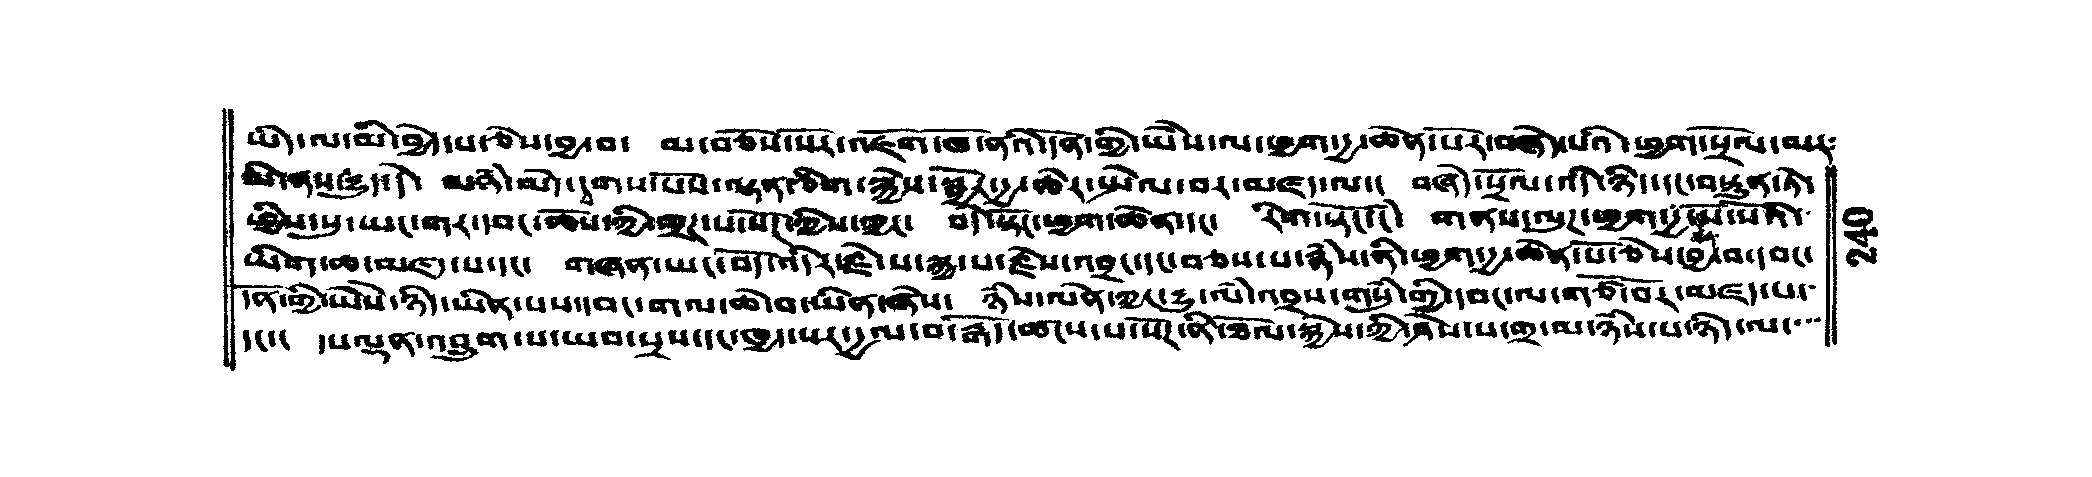ཡིད་ལ་མི་བྱེད་པ་ཞེས་བྱ་བ། མ་བཅོས་སོར་འཇོག་ཁོ་ནའི་དོན་གྱི་ཡེ་ཤེས་ལ་ཕྱག་རྒྱ་ཆེན་པོར་བཞེད་པའི་ཕྱག་སྲོལ་མར་
མི་ནས་བརྒྱུད་དེ། མཉམ་མེད་དྭགས་པོས་ལྷན་ཅིག་སྐྱེས་སྦྱོར་རྒྱ་ཆེར་སྤེལ་བར་མཛད་ལ། བཞེད་སྲོལ་འདི་ཉིད་དང་བསྟུན་ཏེ་
ཕྱིས་སུ་ཡང་གར་དབང་ཆོས་ཀྱི་གྲགས་པ་སོགས་ཀྱིས་ཀྱང་། བདེ་སྟོང་ཕྱག་ཆེན་དང་། རིག་སྟོང་ངམ། གནས་ལུགས་ཕྱག་རྒྱ་ཆེན་པོའི་
ཡིག་ཆ་མཛད་པ་དང་། གཞན་ཡང་བོད་འདིར་རྗེ་ས་སྐྱ་པ་རྗེས་འབྲང་དང་བཅས་པ་རྣམས་ནི་ཕྱག་རྒྱ་ཆེན་པོ་ཞེས་བྱ་བ་དབང་
དོན་གྱི་ཡེ་ཤེས་ཉིད་ཡིན་པས་དབང་གལ་ཆེ་བ་ཡིན་ཞེས། ཉམས་ལེན་ཀྱང་རྒྱུ་ལམ་འབྲས་གསུམ་གྱི་དབང་ལ་གཙོ་བོར་མཛད་པ་
དང་། དཔལ་ལྡན་འབྲུག་པ་ཡབ་སྲས་དང་ཁྱད་པར་རྒྱལ་བ་རྒོད་ཚང་པ་སོགས་ནི་ཐོལ་སྐྱེས་ཀྱི་ཤེས་པ་གྲྭ་མ་ཉམས་པ་ཉིད་ལ་